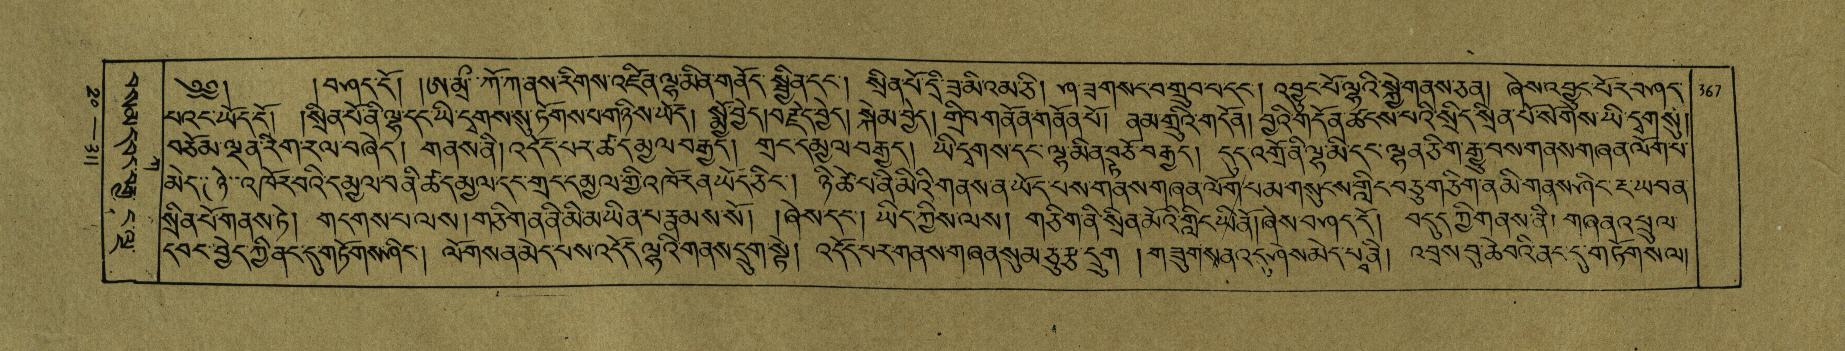༄༅། །བཤད་དོ། །ཨ་མྲྀ་ཀོ་ཀ་ནས་རིགས་འཛིན་ལྷ་མིན་གནོད་སྦྱིན་དང་། སྲིན་པོ་དྲི་ཟ་མི་འམ་ཅི། ཤ་ཟ་གསང་བ་གྲུབ་པ་དང་། འབྱུང་པོ་ལྷའི་སྐྱེ་གནས་ཅན། ཞེས་འབྱུང་པོར་བཤད་
པའང་ཡོད་དོ། །སྲིན་པོ་ནི་ལྷ་དང་ཡི་དྭགས་སུ་ཏོགས་པ་གཉིས་ཡོད། སྨྱོ་བྱེད། བརྗེད་བྱེད། སྐེམ་བྱེད། གྲིབ་གནོན་གནོན་པོ། ནམ་གྲུའི་གདོན། བྱའི་གདོན་ཚངས་པའི་སྲིད་སྲིན་པོ་སོགས་ཡི་དྭགསུ།
བཅོམ་ལྡན་རིག་རལ་བཞེད། གནས་ནི། འདོད་པར་ཚ་དམྱལ་བརྒྱད། གྲང་དམྱལ་བརྒྱད། ཡི་དྭགས་དང་ལྷ་མིན་ཏེ་བཅོ་བརྒྱད། དུད་འགྲོ་ནི་ལྷ་མི་དང་ལྷན་ཅིག་རྒྱུ་བས་གནས་གཞན་ལོག་པ་
མེད༑ ཉེ་འཁོར་བའི་དམྱལ་བ་ནི་ཚ་དམྱལ་དང་གྲང་དམྱལ་གྱི་འཁོར་ན་ཡོད་ཅིང་། ཉི་ཚེ་པ་ནི་མིའི་གནས་ན་ཡོད་པས་གནས་གཞན་ལོག་པ་མ་གསུངས་གླིང་བཅུ་གཅིག་ན་མི་གནས་ཤིང་རྔ་ཡབ་ན་
སྲིན་པོ་གནས་ཏེ། གདགས་པ་ལས། གཅིག་ན་ནི་མི་མ་ཡིན་པ་རྣམས་སོ། །ཞེས་དང་། ཡིད་ཀྱིས་ལས། གཅིག་ནི་སྲིན་མོའི་གླིང་ཡིནོ། ཞེས་བཤད་དོ། བདུད་ཀྱི་གནས་ནི། གཞན་འཕྲུལ་
དབང་བྱེད་ཀྱི་ནང་དུ་གཏོགས་ཤིང་། ལོགས་ན་མེད་པས་འདོད་ལྷའི་གནས་དྲུག་སྟེ། འདོད་པར་གནས་གཞན་སུམ་ཅུ་རྩ་དྲུག །གཟུགས་ན་འདུ་ཤེས་མེད་པ་བ་ནི། འབྲས་བུ་ཆེ་བའི་ནང་དུ་གཏོགས་ལ།